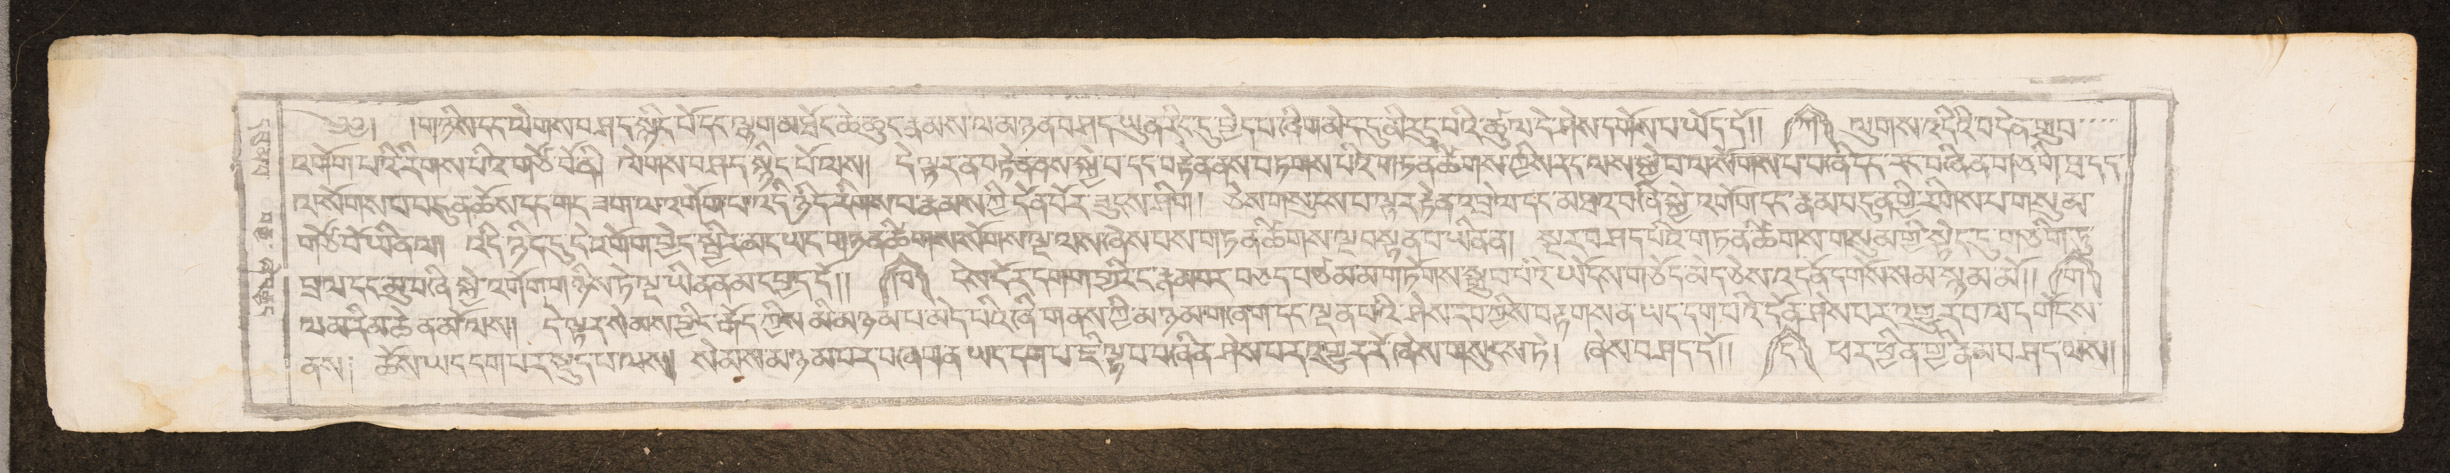༄༅། །གཉིས་དང་ལེགས་བཤད་སྙིང་པོ་དང་ལྷག་མཐོང་ཆེ་ཆུང་རྣམས་ལ་མཉན་བཤད་ཡུན་རིང་དུ་བྱེད་པ་ཞིག་མེད་དུ་མི་རུང་བའི་ཚུལ་དེ་ཤེས་དགོས་པ་ཡོད་དོ།། ༼༽ཀ༼༽ ལུགས་འདིའི་བདེན་གྲུབ་
འགོག་པའི་རིགས་པའི་གཙོ་བོ་ནི། ལེགས་བཤད་སྙིང་པོ་ལས། དེ་ལྟར་ན་བརྟེན་ནས་སྐྱེ་བ་དང་བརྟེན་ནས་བཏགས་པའི་གཏན་ཚིགས་ཀྱིས་རང་ལས་སྐྱེ་བ་ལ་སོགས་པ་བཞི་དང་རང་བཞིན་གཅིག་ཐ་དད་
ལ་སོགས་པ་བདུན་ཆོས་དང་གང་ཟག་ལ་འགོག་པ་དེ་ཉིད་རིགས་པ་རྣམས་ཀྱི་དོན་བོར་ཟུངས་ཤིག། ཅེས་གསུངས་པ་ལྟར་རྟེན་འབྲེལ་དང་མཐའ་བཞི་སྐྱེ་འགོག་དང་རྣམ་བདུན་གྱི་རིགས་པ་གསུམ་
གཙོ་བོ་ཡིན་ལ། འདི་ཉིད་དུ་དེ་འགོག་བྱེད་སྤྱིར་མད་ཡང་གཏན་ཚིགས་སོགས་ལྔ་ལས་ཞེས་པས་གཏན་ཚིགས་ལྔ་བསྟན་པ་ཡིན་ན། སྔར་བཤད་པའི་གཏན་ཚིགས་གསུམ་གྱི་སྟེང་དུ་གཅིག་ཏུ་
བྲལ་དང་མུ་བཞི་སྐྱེ་འགོག་གཉིས་ཏེ་ལྔ་ཡིན་ནམ་དཔྱད་དོ།། ༼༽ཁ༼༽ ངེས་དོར་དགག་བྱའི་ང་རྣམ་པར་བཅད་པ་ཙམ་མ་གཏོགས་སྒྲུབ་པའི་ཡོངས་གཅོད་མེད་ཅེས་འདོན་དགོས་སམ་སྙམ་མོ།། ༼༽ག༼༽
ལམ་རིམ་ཆེན་མོ་ལས། དེ་ལྟར་སེམས་བྱིང་རྒོད་ཀྱིས་མི་ཉམ་པ་མེད་པའི་ཞི་གནས་ཀྱི་མ་ཉམ་གཞག་དང་ལྡན་པིའ་ཤེས་རབ་ཀྱིས་བགྲྟགས་ན་ཡང་དག་པའི་དོན་ཤེས་པར་འགྱུར་བ་ལ་དགོང་ས་
ནས༑ ཆོས་ཡང་དག་པར་སྡུད་པ་ལས། སེམས་མཉམ་པར་བཞག་ན་ཡང་དག་པ་ཇི་ལྟ་བ་བཞིན་ཤེས་པར་འགྱུར་རོ་ཞེས་གསུངས་ཏེ། ཞེས་བཤད་དོ།། ༼༽ད༼༽ ཕར་ཕྱིན་གྱི་རྣམ་བཤད་ལས།